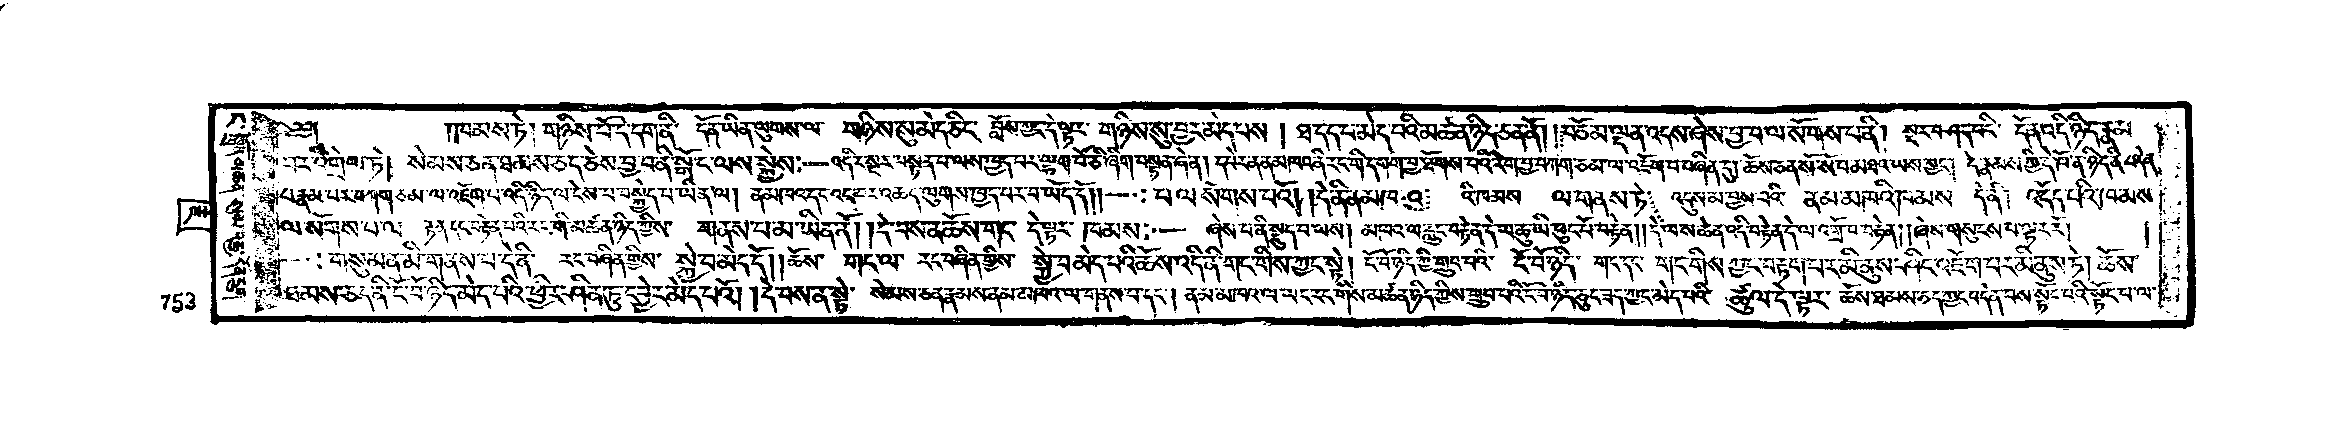༄༅། །ཁམས་ཏེ། གཉིས་པོ་དེ་དག་ནི་དོན་ཡིན་ལུགས་ལ་གཉིས་སུ་མེད་ཅིང་བློས་ཀྱང་དེ་ལྟར་གཉིས་སུ་བྱར་མེད་པས། ཐ་དད་པ་མེད་པའི་མཚན་ཉིད་ཅན་ནོ། །བཅོམ་ལྡན་འདས་ཞེས་བྱ་བ་ལ་སོགས་པ་ནི། སྔར་བཤད་པའི་དོན་འདི་ཉིད་རྣམ་
པར་འགྲེལ་ཏེ། སེམས་ཅན་ཐམས་ཅད་ཅེས་བྱ་བ་ནི་སྒོ་ང་ལས་སྐྱེས་H.་འདིར་སྔར་བསྟན་པ་ལས་ཁྱད་པར་ལྷག་པོ་ཅི་ཞིག་བསྟན་ཞེ་ན། དཔེར་ན་ནམ་མཁའ་ནི་རང་གི་དགག་བྱ་ཐོགས་པའི་རེག་བྱ་བཀག་ཙམ་ལ་འཇོག་པ་བཞིན་དུ། ཆོས་ཅན་སོ་སོ་པ་མཐའ་ཡས་ཀྱང་། དེ་རྣམས་ཀྱི་དེ་ཁོ་ན་ཉིད་ནི་བདེན་
པ་རྣམ་པར་བཀག་ཙམ་ལ་འཇོག་པ་འདི་ཉིད་ལ་ངེས་པ་བསྐྱེད་པ་ཡིན་ལ། ནམ་མཁའ་དང་འདྲ་བར་འཆད་ལུགས་ཁྱད་པར་བ་ཡོད་དོ།། .H པལ་སོགས་པའོ། །དེ་ནི་ནམ་མཁའཱི་ཁམས་ལ་གནས་ཏེ། འདུས་མ་བྱས་པའི་ནམ་མཁའི་ཁམས་དེ་ནི། འདོད་པའི་ཁམས་
ལ་སོགས་པ་ལ་རྟན་དང་བརྟེན་པའི་རང་གི་མཚན་ཉིད་ཀྱིས་གནས་པ་མ་ཡིན་ནོ། །དེ་བས་ན་ཆོས་གང་དེ་ལྟར་ཁམས་H.་ཞེས་པ་ནི་སྡུད་པ་ལས། མཁའ་ལ་རླུང་བརྟེན་དེ་ལ་ཆུ་ཡི་ཕུང་པོ་བརྟེན། །དེ་ལས་ཆེན་འདི་བརྟེན་དེ་ལ་འགྲོ་བ་བརྟེན། །ཞེས་གསུངས་པ་ལྟར་རོ། །
.H གསུམ་ན་མི་གནས་པ་དེ་ནི་རང་བཞིན་གྱིས་སྐྱེ་བ་མེད་དོ། །ཆོས་གང་ལ་རང་བཞིན་གྱིས་སྐྱེ་བ་མེད་པའི་ཆོས་འདི་ནི་གང་གིས་ཀྱང་སྟེ། ངོ་བོ་ཉིད་ཀྱི་གྲུབ་པའི་ངོ་བོ་ཉིད་གང་དང་གང་གིས་ཀྱང་བརྟག་པར་མི་ནུས་ཤིང་འཇོག་པར་མི་ནུས་ཏེ། ཆོས་
ཐམས་ཅད་ནི་ངོ་བོ་ཉིད་མེད་པའི་ཕྱིར་ཤིན་ཏུ་དབྱེར་མེད་པའོ། །དེ་བས་ན་སྟེ་སེམས་ཅན་རྣམས་ནམ་མཁའ་ལ་གནས་པ་དང་། ནམ་མཁའ་ལ་ཡང་རང་གིས་མཚན་ཉིད་ཀྱིས་གྲུབ་པའི་ངོ་བོ་ཉིད་ཅུང་ཟད་ཀྱང་མེད་པའི་ཚུལ་དེ་ལྟར་ཆོས་ཐམས་ཅད་ཀྱང་བདེན་པས་སྟོང་པའི་སྟོང་པ་ལ